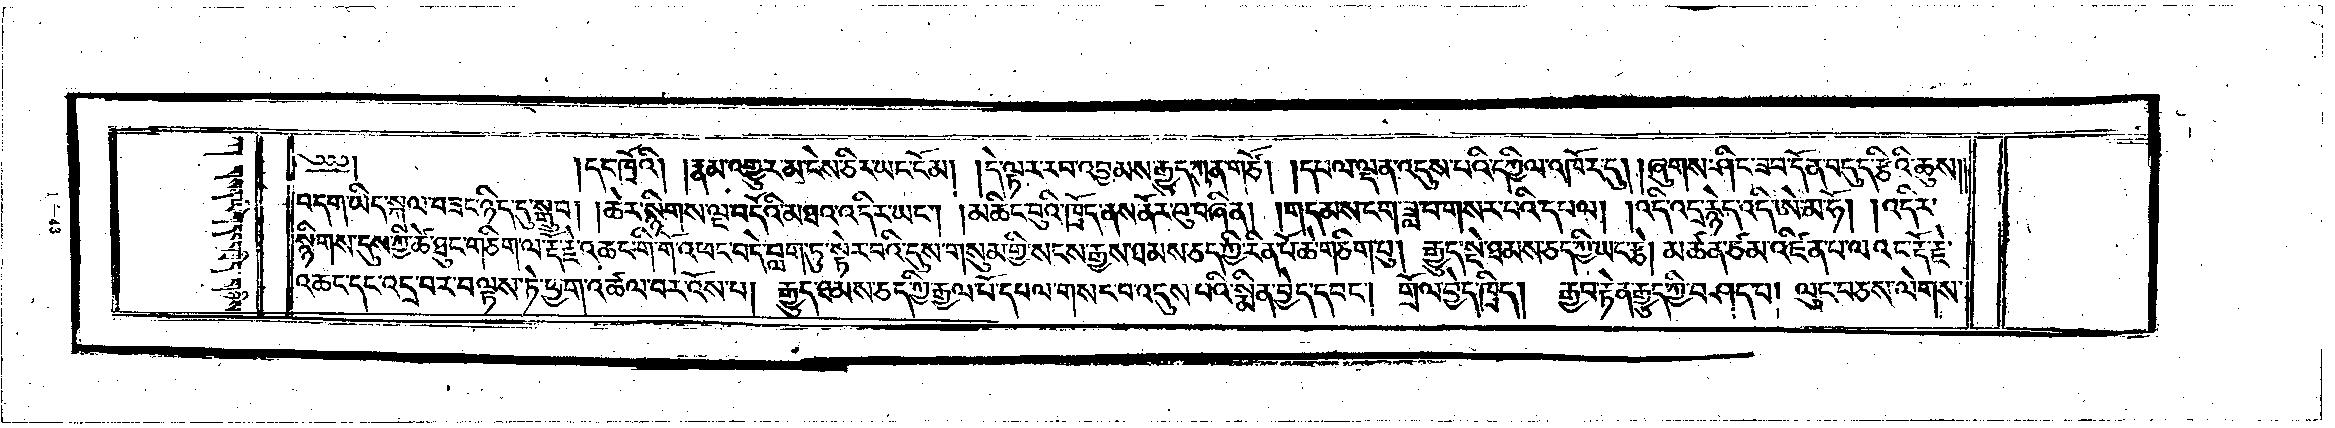༄༅། །དང་ཁྲོའི། །རྣམ་འགྱུར་མ་ངེས་ཅིར་ཡང་ངོ། །དེ་ལྟར་རབ་འབྱམས་རྒྱུད་ཀུན་གཙོ། །དཔལ་ལྡན་འདུས་པའི་དཀྱིལ་འཁོར་དུ། །ཞུགས་ཤིང་ཟབ་དོན་བདུད་རྩིའི་ཆུས།།
བདག་ཡིད་སྐལ་བཟང་ཉིད་དུ་སྒྲུབ། །ཆེར་སྙིགས་ལྔ་བདོའི་མཐའ་འདིར་ཡང་། །མཆིང་བུའི་ཁྲོད་ནས་ནོར་བུ་བཞིན། །གདམས་ངག་ཟླ་བ་གསར་བའི་དཔལ། །འདི་འདྲ་རྙེད་འདི་ཨེ་མ་ཧོ། །འདིར་
སྙིགས་དུས་ཀྱི་ཚེ་ཐུང་གཅིག་ལ་རྡོ་རྗེ་འཆང་གི་གོ་འཕང་བདེ་བླག་ཏུ་སྟེར་བའི་དུས་གསུམ་གྱི་སངས་རྒྱས་ཐམས་ཅད་ཀྱི་རིན་པོ་ཆེ་གཅིག་པུ། རྒྱུད་སྡེ་ཐམས་ཅད་ཀྱི་ཡང་རྩེ། མཚན་ཙམ་འཛིན་པ་ཡང་རྡོ་རྗེ་
འཆང་དང་འདྲ་བར་བལྟས་ཏེ་ཕྱག་འཚལ་བར་འོས་པ། རྒྱུད་ཐམས་ཅད་ཀྱི་རྒྱལ་པོ་དཔལ་གསང་བ་འདུག་པའི་སྨིན་བྱེད་དབང་། གྲོལ་བྱེད་ཁྲིད། རྒྱ་བརྟེན་རྒྱུད་ཀྱི་བཤད་པ། ཐབ་བཅས་ལེགས་